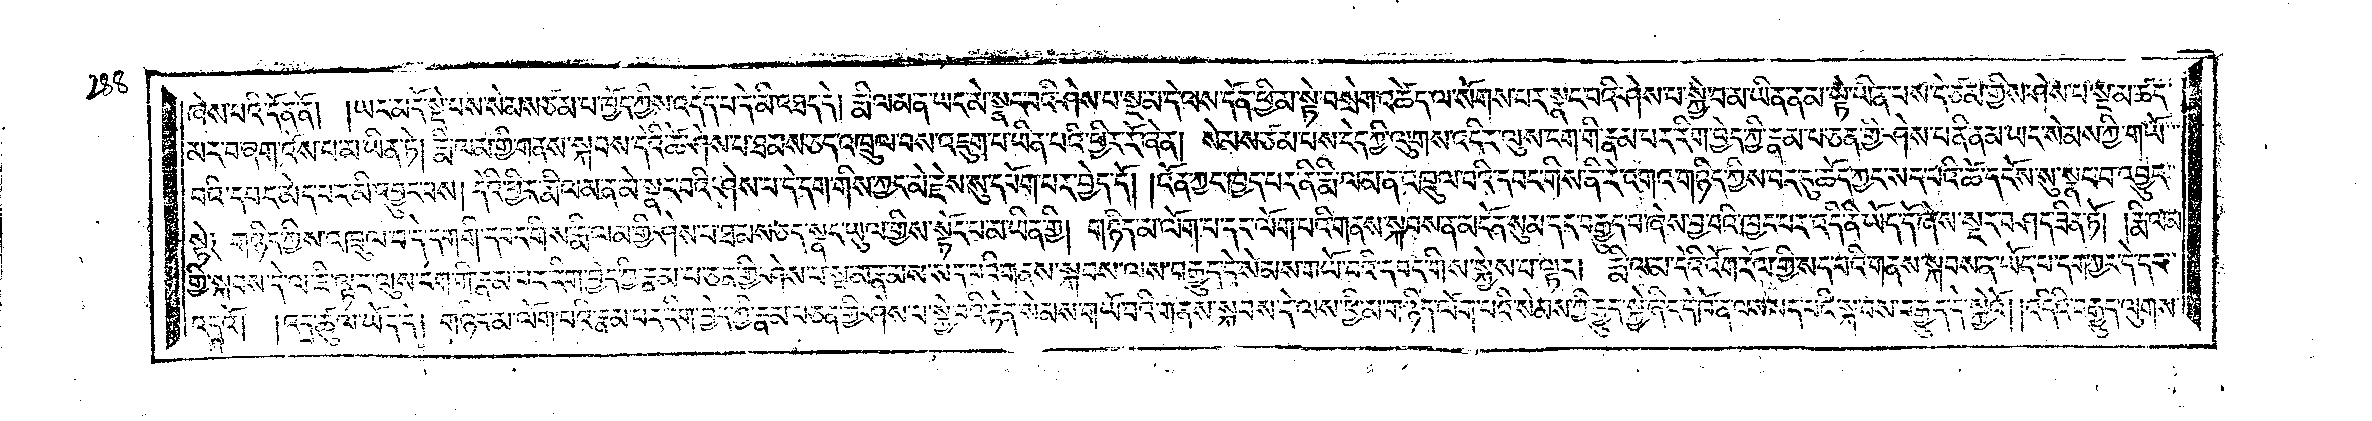ཞེས་པའི་དོན་ནོ། །ཡང་མདོ་སྡེ་པས་སེམས་ཙམ་པ་ཁྱོད་ཀྱིས་འདོད་པ་དེ་མི་འཐད་དེ། རྨི་ལམ་ན་ཡང་མེ་སྣང་བའི་ཤེས་པ་སྔ་མ་དེ་ལས་དོན་ཕྱི་མ་སྟེ་བསྲེག་འཚེད་ལ་སོགས་པར་སྣང་བའི་ཤེས་པ་སྐྱེ་བ་མ་ཡིན་ནམ་སྟེ་ཡིན་པས་དེ་ཙམ་གྱིས་ཤེས་པ་སྔ་མ་ཚད་
མར་བཞག་འོས་པ་མ་ཡིན་ཏེ། རྨི་ལམ་གྱི་གནས་སྐབས་དེའི་ཚེ་ཤེས་པ་ཐམས་ཅད་འཁྲུལ་བས་འཇུག་པ་ཡིན་པའི་ཕྱིར་རོ་ཞེ་ན། སེམས་ཙམ་པས་ངེད་ཀྱི་ལུགས་འདིར་ལུས་ངག་གི་རྣམ་པར་རིག་བྱེད་ཀྱི་རྣམ་པ་ཅན་གྱི་ཤེས་པ་ནི་ནམ་ཡང་སེམས་ཀྱི་གཡོ་
བའི་དབང་མེད་པར་མི་འབྱུང་བས། དེའི་ཕྱིར་རྨི་ལམ་ན་མེ་སྣང་བའི་ཤེས་པ་དེ་དག་གིས་ཀྱང་མེ་རྗེས་སུ་དཔོག་པར་བྱེད་དོ། །འོན་ཀྱང་ཁྱད་པར་ནི་རྨི་ལམ་ན་འཁྲུལ་བའི་དབང་གིས་ནི་རེ་འགའ་གཉིད་ཀྱིས་བར་དུ་ཆོད་ཀྱང་སད་པའི་ཚེ་དངོས་སུ་སྣང་བ་འབྱུང་
སྟེ༑ གཉིད་ཀྱིས་འཁྲུལ་བ་དེ་དག་གི་དབང་གིས་རྨི་ལམ་གྱི་ཤེས་པ་ཐམས་ཅད་སྣང་ཡུལ་གྱིས་སྟོང་པ་མ་ཡིན་གྱི། གཉིད་མ་ལོག་པ་དང་ལོག་པའི་གནས་སྐབས་ན་མངོན་སུམ་དང་བརྒྱུད་པ་ཞེས་བྱ་བའི་ཁྱད་པར་འདི་ནི་ཡོད་དོ་ཞེས་སྔར་བཤད་ཟིན་ཏོ། །རྨི་ལམ་
གྱི་སྐབས་དེ་ལ་ཇི་ལྟར་ལུས་ངག་གི་རྣམ་པར་རིག་བྱེད་ཀྱི་རྣམ་པ་ཅན་གྱི་ཤེས་པ་སྔ་མ་རྣམས་སད་པའི་གནས་སྐབས་ལས་བརྒྱུད་དེ་སེམས་གཡོ་བའི་དབང་གིས་སྐྱེས་པ་ལྟར། རྨི་ལམ་དེའི་འོག་རོལ་གྱི་སད་པའི་གནས་སྐབས་ན་ཡོད་པ་དག་ཀྱང་དེ་དང་
འདྲའོ། །འདྲ་ཚུལ་ཡོད་དེ། གཉིད་མ་ལོག་པའི་རྣམ་པར་རིག་བྱེད་ཀྱི་རྣམ་པ་ཅན་གྱི་ཤེས་པ་སྐྱེ་བའི་རྟེན་སེམས་གཡོ་བའི་གནས་སྐབས་དེ་ལས་ཕྱི་མ་གཉིད་ལོག་པའི་སེམས་ཀྱི་རྒྱུད་སྐྱེ་ཞིང་དེ་ཁོ་ན་ལས་སད་པའི་སྐབས་བརྒྱུད་དེ་སྐྱེའོ། །འདིའི་བརྒྱུད་ལུགས་